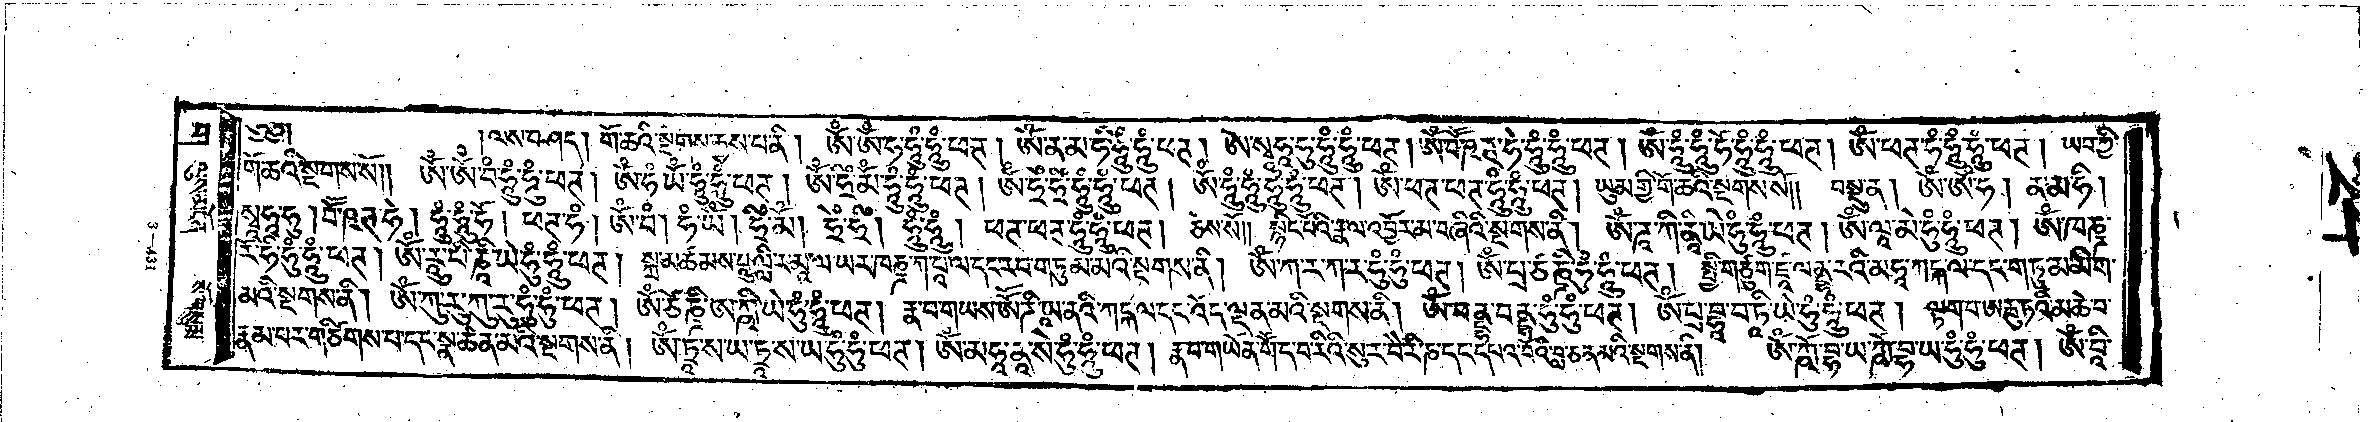༄༅། །ལས་བཤད། གོ་ཆའི་སྡིགས་རྒྱས་པ་ནི། ཨོཾ་ཨོཾ་ཧ་ཧཱུཾ་ཧཱུཾ་ཕཊ། ཨོཾ་ན་མ་ཧི་ཧཱུཾ་ཧཱུཾ་ཕཊ། ཨེ་སྭཱཧཱ་ཧུ་ཧཱུཾ་ཧཱུཾ་ཕཊ་།ཨོཾ་བཽ་ཥཊ་ཧེ་ཧཱུཾ་ཧཱུཾ་ཕཊ། ཨོཾ་ཧཱུཾ་ཧཱུཾ་ཧོ་ཧཱུཾ་ཧཱུཾ་ཕཊ། ཨོཾ་ཕཊ་ཧཱཾ་ཧཱུཾ་ཧཱུཾ་ཕཊ། ཡབ་ཀྱི་
གོ་ཆའི་སྔགས་སོ།། ཨོཾ་ཨོཾ་བཾ་ཧཱུཾ་ཧཱུཾ་ཕཊ། ཨོཾ་ཧཾ་ཡོཾ་ཧཱུཾ་ཧཱུཾ་ཕཊ། ཨོཾ་ཧྲིཾ་མོཾ་ཧཱུཾ་ཧཱུཾ་ཕཊ། ཨོཾ་ཧྲཾ་ཧྲིཾ་ཧཱུཾ་ཧཱུཾ་ཕཊ། ཨོཾ་ཧཱུཾ་ཧཱུཾ་ཧཱུཾ་ཧཱུཾ་ཕཊ། ཨོཾ་ཕཊ་ཕཊ་ཧཱུཾ་ཧཱུཾ་ཕཊ། ཡུམ་གྱི་གོ་ཆའི་སྔགས་སོ།། བསྡུ་ན། ཨོཾ་ཨོཾ་ཧ། ན་མ་ཧི།
སྭཱཧཱ་ཧུ་།བཽ་ཥཊ་ཧེ། ཧཱུཾ་ཧཱུཾ་ཧོ། ཕཊ་ཧཾ། ཨོཾ་བཾ། ཧཾ་ཡོཾ། ཧྲིཾ་མོཾ། ཧྲེཾ་ཧྲིཾ། ཧཱུཾ་ཧཱུཾ། ཕཊ་ཕཊ་ཧཱུཾ་ཧཱུཾ་ཕཊ། ཅེས་སོ།། སྙིང་པོའི་རྣལ་འབྱོར་མ་བཞིའི་སྔགས་ནི། ཨོཾ་ཌཱ་ཀི་ནཱི་ཡེ་ཧཱུཾ་ཧཱུཾ་ཕཊ། ཨོཾ་ལཱ་མེ་ཧཱུཾ་ཧཱུཾ་ཕཊ། ཨོཾ་ཁཎྜ་
རོ་ཧི་ཧུཾ་ཧཱུཾ་ཕཊ། ཨོམ་རཱུ་པི་ཎཱི་ཡེ་ཧུཾ་ཧཱུཾ་ཕཊ། སྐྲ་མཚམས་པཱུ་ལླི་ར་མཱ་ལ་ཡར་ཁཎྜ་ཀ་པཱ་ལ་དང་རབ་གཏུམ་མའི་སྔགས་ནི། ཨོཾ་ཀ་ར་ཀ་ར་ཧུཾ་ཧུཾ་ཕཊ། ཨོཾ་པྲ་ཙཎྜི་ཧུཾ་ཧཱུཾ་ཕཊ། སྤྱི་གཙུག་ཛཱ་ལནྡྷ་རའི་མཧཱ་ཀངྐ་ལ་དང་གཏུ་མ་མིག་
མའི་སྔགས་ནི། ཨོཾ་ཀུ་རུ་ཀུ་རུ་ཧུཾ་ཧུཾ་ཕཊ། ཨོཾ་ཙེཎྜི་ཨ་ཀྵི་ཡེ་ཧུཾ་ཧཱུཾ་ཕཊ། རྣ་བ་གཡས་ཨཽཌི་ཡཱ་ནའི་ཀངྐ་ལ་དང་འོད་ལྡན་མའི་སྔགས་ནི། ཨོཾ་བནྡྷ་བནྡྷ་ཧུཾ་ཧུཾ་ཕཊ། ཨོཾ་པྲ་བྷཱ་བ་ཏཱི་ཡེ་ཧུཾ་ཧཱུཾ་ཕཊ། ལྟག་པ་ཨརྦུ་ཏའི་མཆེ་བ་
རྣམ་པར་གཙིགས་པ་དང་སྣ་ཆེན་མའི་སྔགས་ནི། ཨོཾ་ཏྲཱ་ས་ཡ་ཏྲཱ་ས་ཡ་ཧུཾ་ཧུཾ་ཕཊ། ཨོཾ་མཧཱ་ནཱ་སེ་ཧཱུཾ་ཧཱུཾ་ཕཊ། རྣ་བ་གཡོན་གཽད་བ་རིའི་སུ་ར་བཻ་རི་ཎ་དང་དཔའ་བོའི་བླ་ཅན་མའི་སྔགས་ནི།  ཨོཾ་ཀྵོ་བྷ་ཡ་ཀྵོ་བྷ་ཡ་ཧུཾ་ཧུཾ་ཕཊ། ཨོཾ་བཱི་